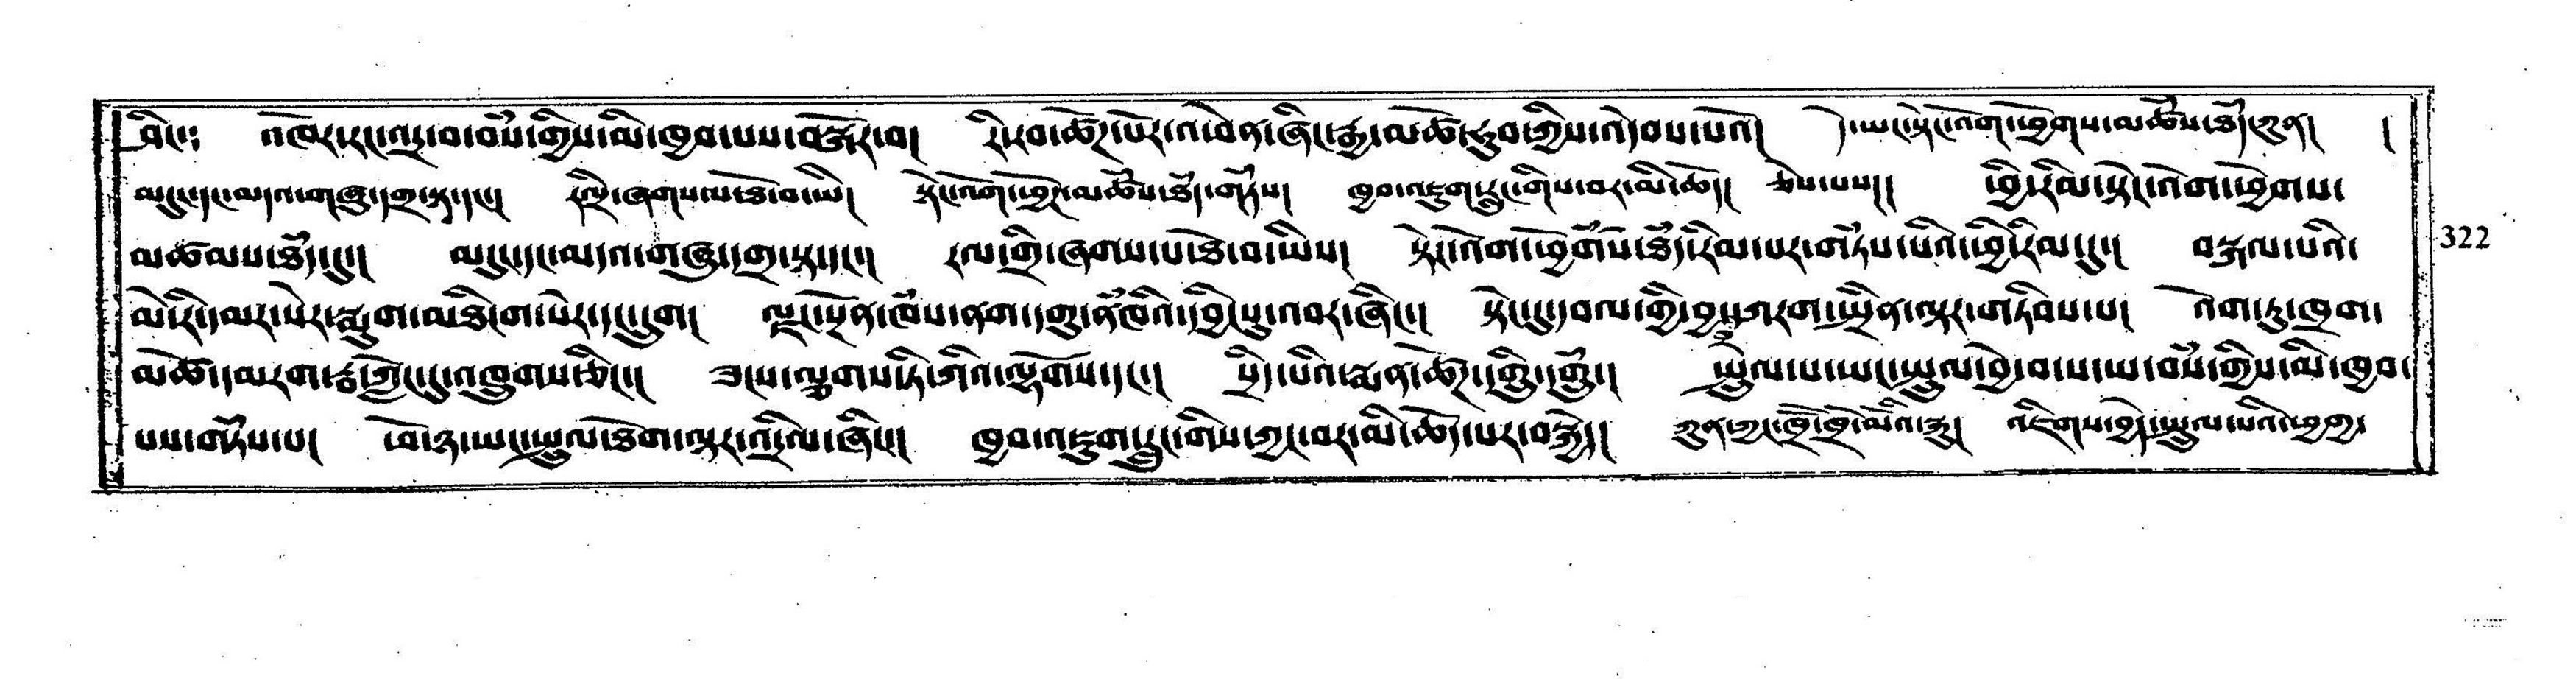ཤིང་། འཁོར་རང་འདྲ་བ་བསམ་གྱིས་མི་ཁྱབ་པས་བསྐོར་བ། རི་རབ་ཚོགས་སོར་འཕེན་ཞིང་རྒྱ་མཚོ་ཧུབ་ཀྱིས་འདེབས་པའོ། དེ་ཡང་སྟེང་འོག་ཕྱོགས་མཚམས་ཐམས་ཅད་ཀུན། 
མདུང་དང་མདའ་གཞུ་དགྲ་སྟྭ་དང་། རལ་གྲི་ཞགས་པ་ཐོ་བ་ཡི། སྟེང་འོག་ཕྱོགས་མཚམས་ཐམས་ཅད་གཏམས། ཁྱབ་འཇུག་རླུང་གིས་བར་མི་ཆོད། ཅེས་པས།། ཕྱི་རིམ་སྟེང་འོག་ཕྱོགས་
མཚམས་ཐམས་ཅད་དུ། མདུང་དང་མདའ་གཞུ་དགྲ་སྟ་དང་། རལ་གྲི་ཞགས་པ་ཐོ་བ་ཡིས། སྟེང་འོག་ཕྱོགས་མཚམས་ཐམས་ཅད་རིམ་པར་གཏམས་པའི་ཕྱི་རིམ་དུ། བསྐལ་པའི་
མེ་རི་དམར་སེར་སྨུག་མཐིང་ནག་སེར་དང་དྲུག ལྗང་སྔོན་ཁམས་ནག་དགུ་ནམ་མཁའི་དབྱིངས་སུ་འབར་ཞིང་། སྟེང་དུ་དབལ་གྱི་བྱ་ཁྲ་དཀར་ནག་སྤྲིན་ལྟར་གཏིབས་པ། འོག་ཏུ་ཁྲག་
མཚོ་དམར་ནག་རྦ་ཀློང་དུ་འཁྲུགས་ཅིང་། ཟངས་ལྕགས་ཏི་ཀའི་ལྷ་ཚོགས་དང་། སྲིད་པའི་སྨན་ཚོགས་དགུ་ཁྲི་དགུ་འབུམ། སྤྲུལ་པ་ཡང་སྤྲུལ་བྱེ་བ་ས་ཡ་བསམ་གྱིས་མི་ཁྱབ་
པས་གཏམས་པ། ཕོ་ཉ་ཡང་སྤྲུལ་ཐོག་ལྟར་འདྲིལ་ཞིང་། ཁྱབ་འཇུག་རླུང་གིས་ཀྱང་བར་མི་ཆོད་པར་བསྐྱེད། ཀུན་ཀྱང་ཁྲོ་བོ་ཁྲོ་མོའི་སྐུ། འཇིགས་བྱེད་སྤྲུལ་པའི་ཕྱག་རྒྱ་